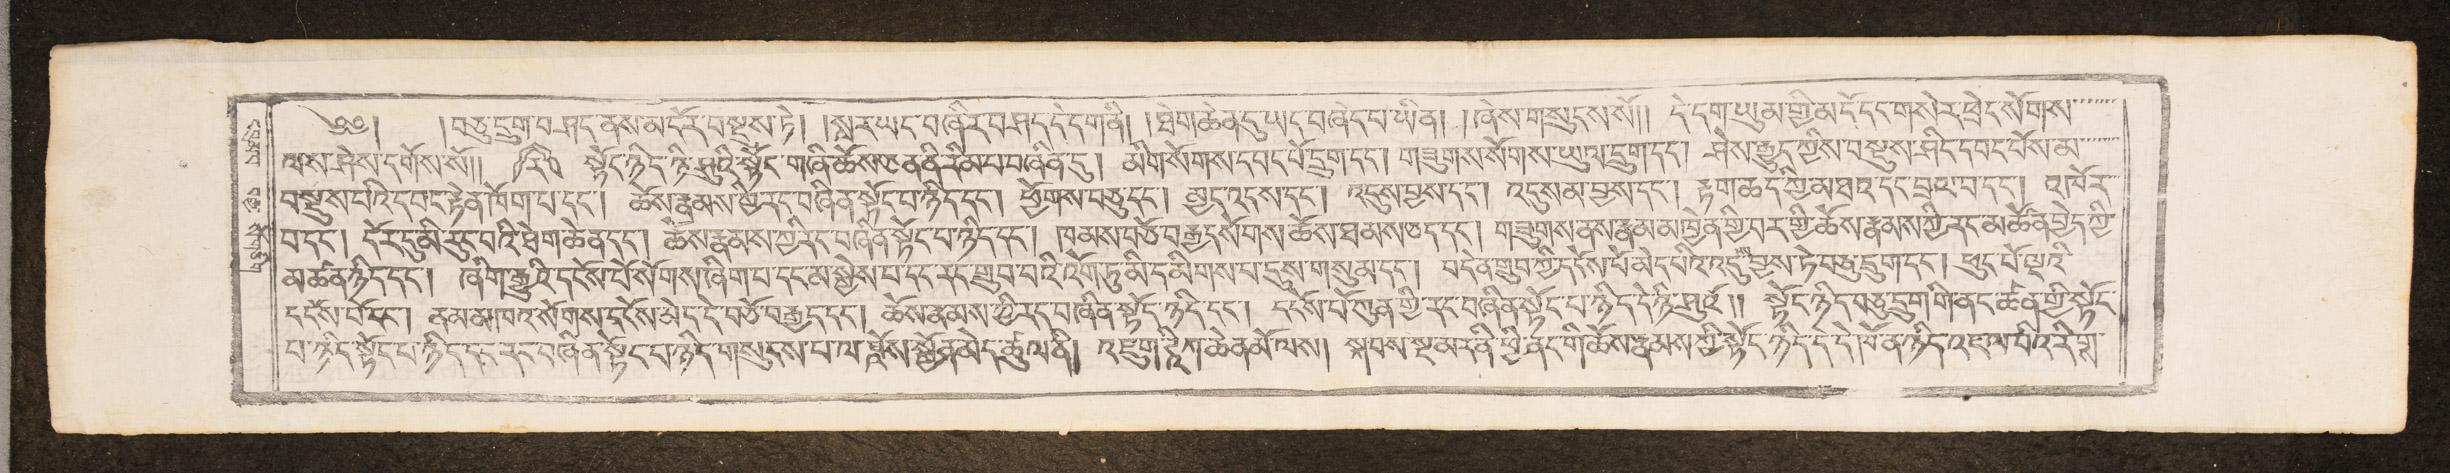༄༅། །བཅུ་དྲུག་བཤད་ནས་མདོར་བསྡུས་ཏེ། །སླར་ཡང་བཞིར་བཤད་དེ་དག་ནི། །ཐེག་ཆེན་དུ་ཡང་བཞེད་པ་ཡིན། །ཞེས་གསུངས་སོ། །དེ་དག་ཡུམ་གྱི་མདོ་དང་གསེར་ཕྲེང་སོགས་
ལས་ཤེས་དགོས་སོ།། ༼༽ར༼༽ སྟོང་ཉིད་ཉི་ཤུའི་སྟོང་གཞི་ཆོས་ཅན་ནི་རིམ་པ་བཞིན་དུ། མིག་སོགས་དབང་པོ་དྲུག་དང་། གཟུགས་སོགས་ཡུལ་དྲུག་དང་། ཤེས་རྒྱུད་ཀྱིས་བསྡུས་ཤིང་དབང་པོས་མ་
བསྡུས་པའི་དབང་རྟེན་ཁོག་པ་དང་། ཆོས་རྣམས་ཀྱི་རང་བཞིན་སྟོང་པ་ཉིད་དང་། ཕྱོགས་བཅུ་དང་། མྱང་འདས་དང་། འདུས་བྱས་དང་། འདུས་མ་བྱས་དང་། རྟག་ཆད་ཀྱི་མཐའ་དང་བྲལ་བ་དང་། འཁོར་
བ་དང་། དོར་དུ་མི་རུང་བའི་ཐེག་ཆེན་དང་། ཆོས་རྣམས་ཀྱི་རང་བཞིན་སྟོང་པ་ཉིད་དང་། ཁམས་བཅོ་བརྒྱད་སོགས་ཆོས་ཐམས་ཅད་དང་། གཟུགས་ནས་རྣམས་མཁྱེན་གྱི་བར་གྱི་ཆོས་རྣམས་ཀྱི་རང་མཚོན་བྱེད་ཀྱི་
མཚན་ཉིད་དང་། ཞིག་རྒྱུའི་དངོས་པོ་སོགས་ཞིག་པ་དང་མ་སྐྱེས་པ་དང་རང་གྲུབ་པའི་འོག་ཏུ་མི་དམིགས་པ་དུས་གསུམ་དང་། བདེན་གྲུབ་ཀྱི་དངོས་པོ་མེད་པའི་འདུ་བྱས་ཏེ་བཅུ་དྲུག་དང་། ཕུང་པོ་ལྔའི་
དངོས་པོ་དང་། ནམ་མཁའ་སོགས་དངོས་མེད་དེ་བཅོ་བརྒྱད་དང་། ཆོས་རྣམས་ཀྱི་རང་བཞིན་སྟོང་ཉིད་དང་། དངོས་པོ་ཀུན་གྱི་རང་བཞིན་སྟོང་པ་ཉིད་དེ་ཉི་ཤུའོ། །སྟོང་ཉིད་བཅུ་དྲུག་གི་ནང་ཚན་གྱི་སྟོང་
པ་ཉིད་སྟོང་པ་ཉིད་དང་རང་བཞིན་སྟོང་པ་ཉིད་གསུངས་པ་ལ་བློས་སྐྱོན་མེད་ཚུལ་ནི། འཇུག་ཊཱིཀ་ཆེན་མོ་ལས། སྐབས་སྔ་མར་ནི་ཕྱི་ནང་གི་ཆོས་རྣམས་ཀྱི་སྟོང་ཉིད་དེ་དེ་ཁོ་ན་ཉིད་འཇལ་བའི་རིགས་